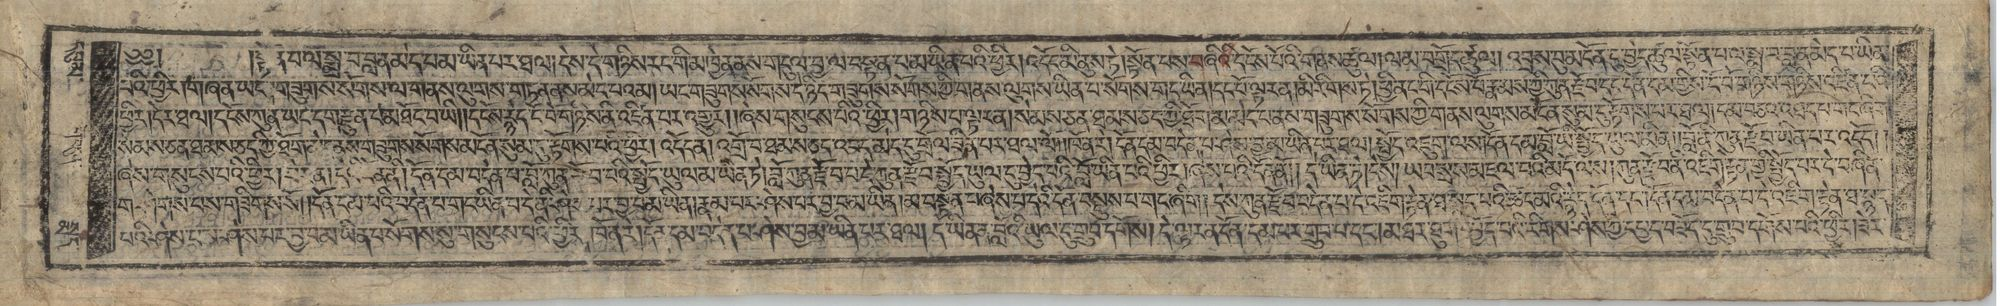༄༅། །སྟོན་པ་ལ་སྨྲ་བ་བླ་ན་མེད་པ་མ་ཡིན་པར་ཐལ། དེས་དེ་གཉིས་རང་གི་མཁྱེན་ནས་གདུལ་བྱ་ལ་བསྟན་པ་མ་ཡིན་པའི་ཕྱིར། འདོད་མི་ནུས་ཏེ། སྟོན་པས་གཞི་དངོས་པོའི་གནས་ཚུལ། ལམ་བགྲོད་ཚུལ། འབྲས་བུ་མངོན་དུ་བྱེད་ཚུལ་སྟོན་པ་ལ་སྨྲ་བ་བླ་ན་མེད་པ་ཡིན་
པའི་ཕྱིར། གཞན་ཡང་། གཟུགས་སོགས་ལ་གནས་ལུགས་གཏན་ནས་མེད་པའམ། ཡང་གཟུགས་སོགས་དེ་ཉིད་གཟུགས་སོགས་ཀྱི་གནས་ལུགས་ཡིན་པ་སོགས་གང་ཡིན། དང་པོ་ལྟར་ན། མི་རིགས་ཏེ། ཕྱི་ནང་གི་དངོས་པོ་རྣམས་ཀྱི་ཀུན་རྫོབ་དང་དོན་དམ་གྱིས་ངོ་བོ་གཉིས་གཉིས་འཛིན་པའི་
ཕྱིར། དེར་ཐལ། དངོས་ཀུན་ཡང་དག་རྫུནྤ་མཐོང་བ་ཡི། །དངོས་རྙེད་ངོ་བོ་གཉིས་ནི་འཛིན་པར་འགྱུར། །ཞེས་གསུངས་པའི་ཕྱིར། གཉིས་པ་ལྟར་ན། སེམས་ཅན་ཐམས་ཅད་ཀྱི་ཐོག་མ་མེད་པ་ནས་གཟུགས་སོགས་ཀྱི་གནས་ལུགས་མངོན་སུམ་དུ་རྟོགས་པར་ཐལ། དམ་བཅའ་འཐད་པ་གང་ཞིག །
སེམས་ཅན་ཐམས་ཅད་ཀྱི་ཐོག་མེད་ནས་གཟུགས་སོགས་མངོན་སུམ་དུ་རྟོགས་པའི་ཕྱིར། འདོད་ན། འགྲོ་བ་ཐམས་ཅད་འབད་མེད་དུ་གྲོལ་ཟིན་པར་ཐལ་ལོ། །ཁོ་ན་རེ། དོན་དམ་བདེན་པ་ཤེས་བྱ་མ་ཡིན་པར་ཐལ། སྤྱོད་འཇུག་ལས། དོན་དམ་བློ་ཡི་སྤྱོད་ཡུལ་མིན། །བློ་ནི་ཀུན་རྫོབ་ཡིན་པར་འདོད། །
ཞེས་གསུངས་པའི་ཕྱིར། ཟེར་ན། དེའི་དོན་ནི། དོན་དམ་བདེན་པ་བློ་ཀུན་རྫོབ་པའི་སྤྱོད་ཡུལ་མ་ཡིན་ཏེ། བློ་ཀུན་རྫོབ་པ་དེ་ཀུན་རྫོབ་སྤྱོད་ཡུལ་དུ་བྱེད་པའི་བློ་ཡིན་པའི་ཕྱིར། ཞེས་པའི་དོན་ནོ། །དེ་ཡིན་ཏེ། དེས། ཡབ་སྲས་མཇལ་བའི་མདོ་ལས། ཀུན་རྫོབ་ནི་འཇིག་རྟེན་གྱི་སྤྱོད་པར་དེ་བཞིན་
གཤེགས་པས་གཟིགས་སོ། །དོན་དམ་པའི་བདེན་པ་གང་ཡིན་པ་དེ་ནི་ཤེས་པར་བྱ་བ་མ་ཡིན། རྣམ་པར་ཤེས་པར་བྱ་བ་མ་ཡིན། མ་བསྟན་པ་ཞེས་པ་དེའི་དོན་བསྡུས་པ་གང་ཞིག །དེས་ཀུན་རྫོབ་བདེན་པ་དེ་འཇིནྲྟེན་ཐ་སྙད་པའི་ཚད་མའི་རྙེད་དོན་དང་། དོན་དམ་བདེན་པ་དེ་འཇིག་རྟེན་ཐ་སྙད་
པའི་ཤེས་པས་ཤེས་པར་བྱ་བ་མ་ཡིན་པ་སོགས་སུ་གསུངས་པའི་ཕྱིར། ཁོ་ན་རེ། དོན་དམ་བདེན་པ་ཤེས་བྱ་མ་ཡིན་པར་ཐལ། དེ་ཡིན་ན་བློའི་ཡུལ་དུ་གྲུབ་དགོས། དེ་ལྟར་ན་དོན་དམ་པར་གྲུབ་པ་དང་། མཐར་ཐུག་དཔྱོད་པའི་རིགས་ཤེས་ཀྱི་དཔྱིད་བཟོད་དུ་གྲུབ་དགོས་པའི་ཕྱིར། ཟེར་